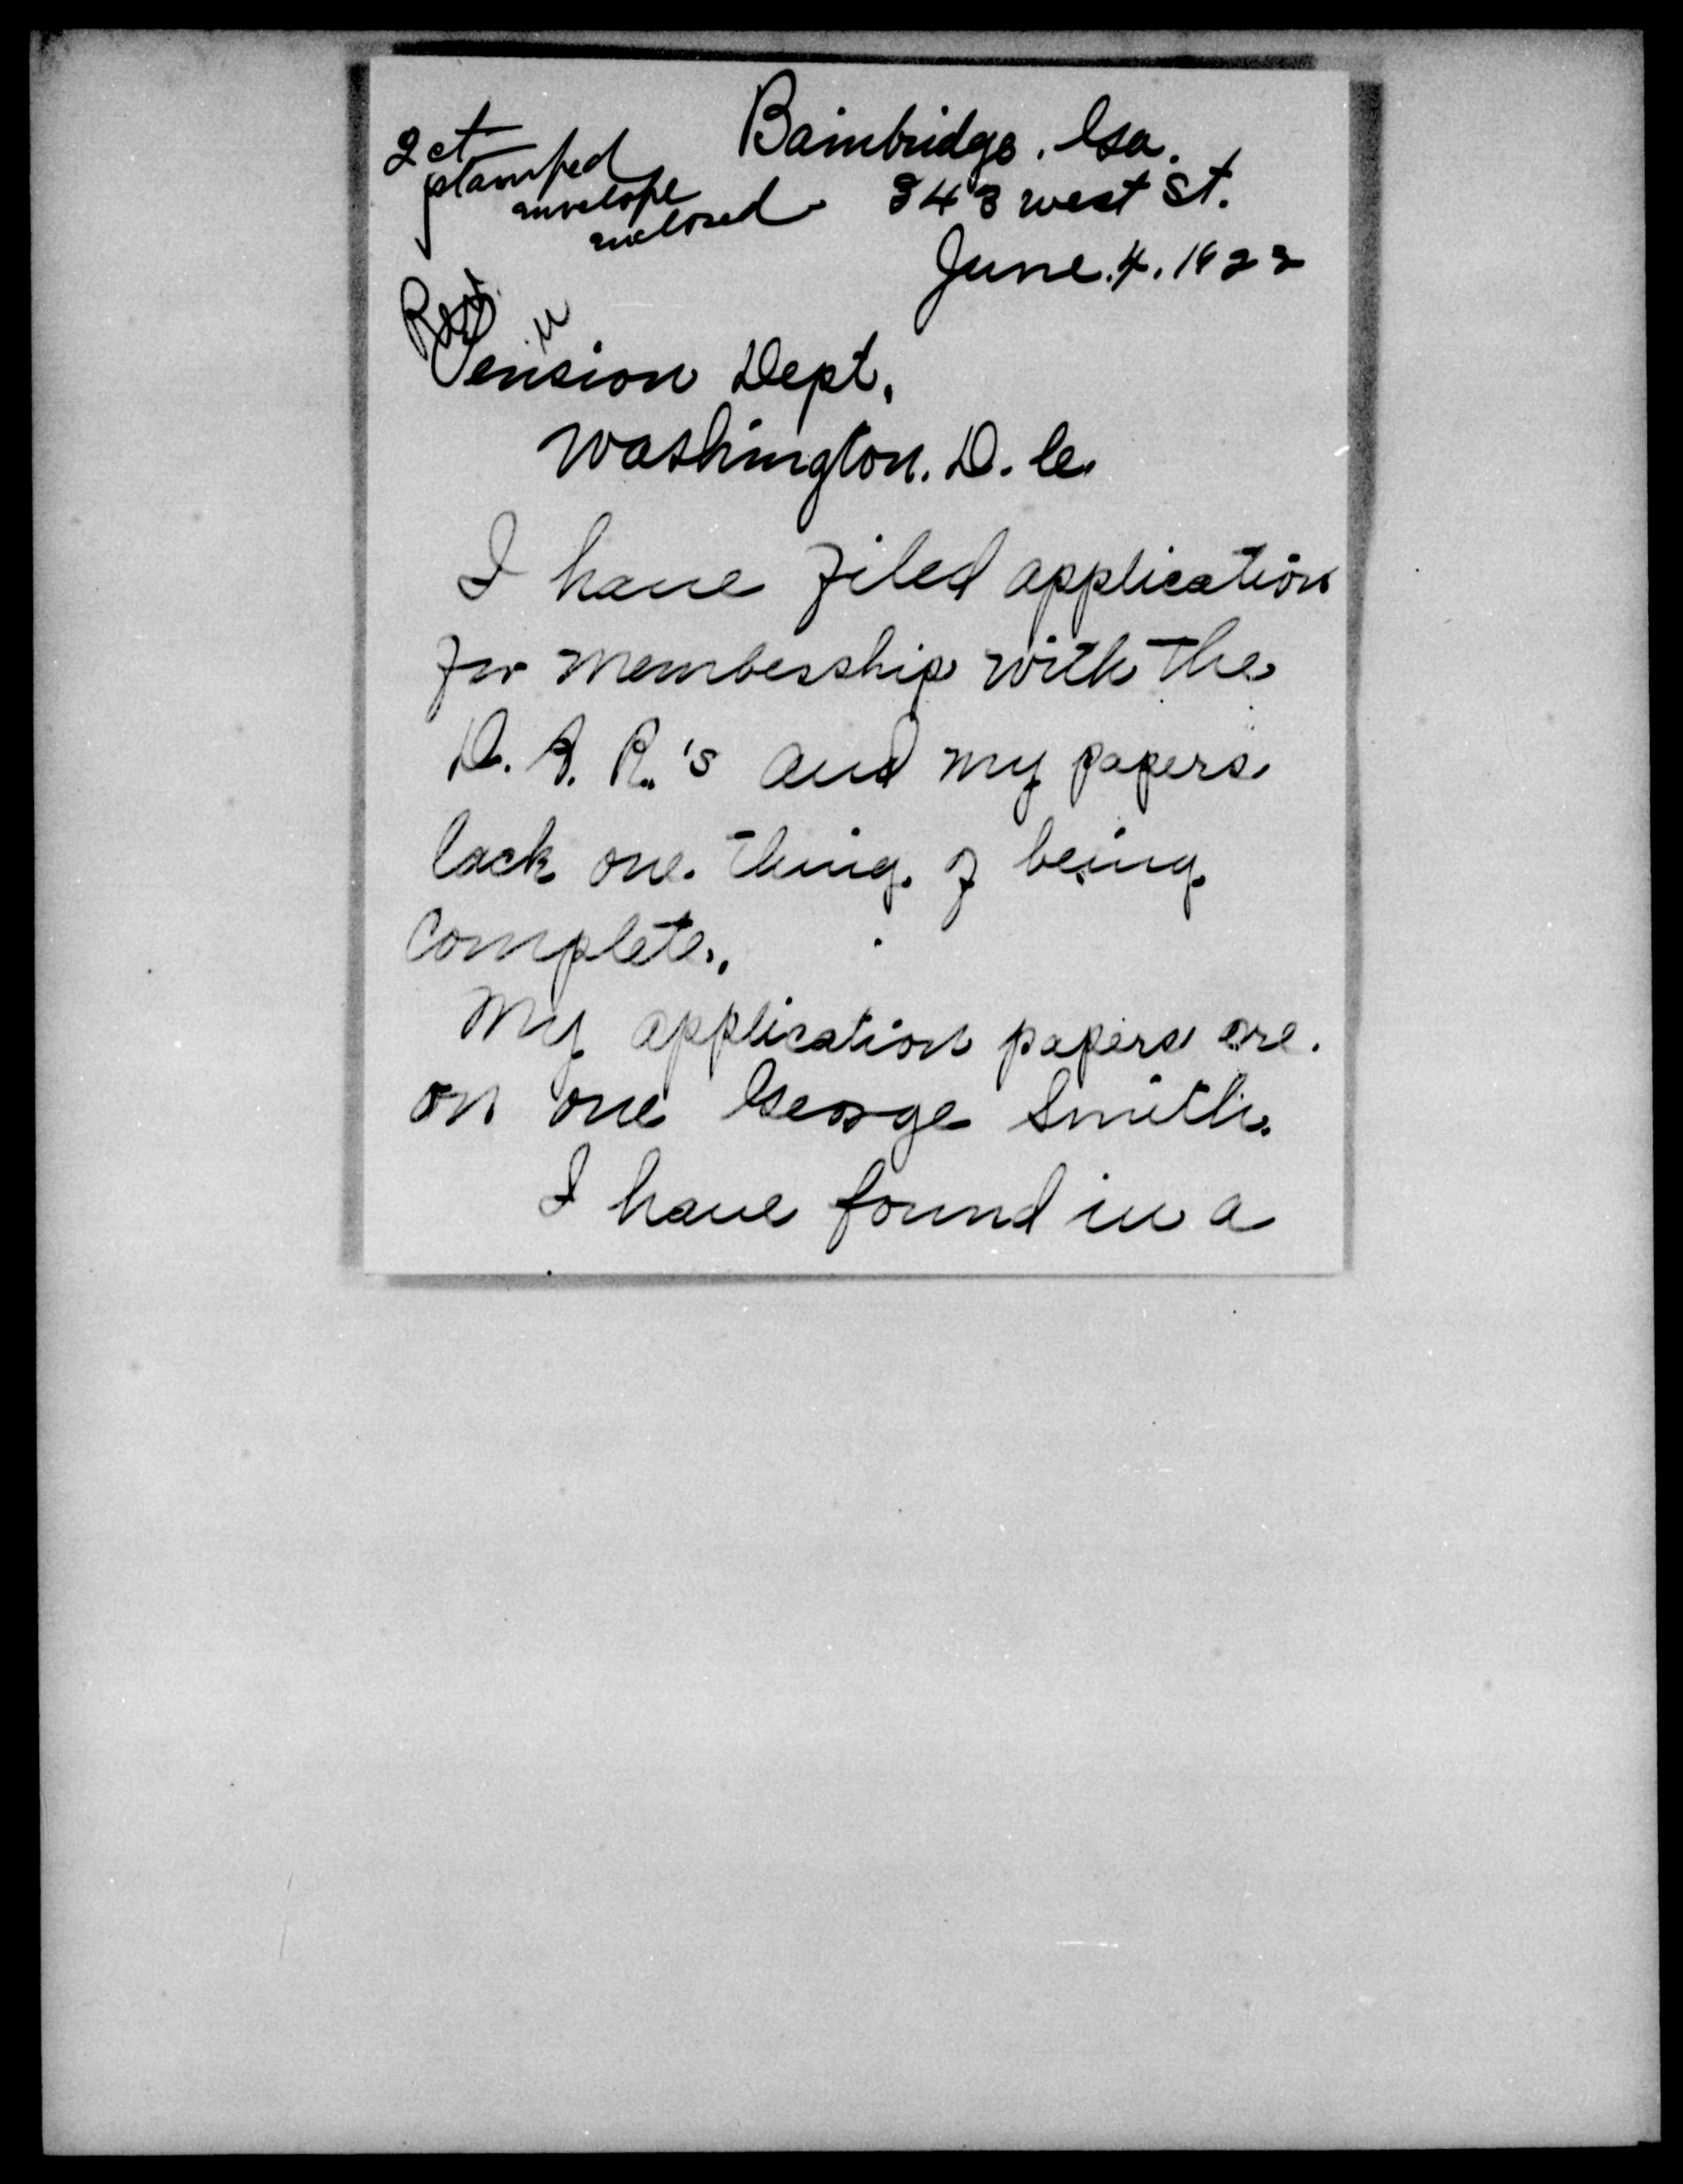Bainbridge, Ga.
348 West St.
June 4, 1922
2 ct stamped envelope enclosed
Rev. W. Pension Dept.
Washington, D. C.
I have filed application for membership with the D.A.R.'s and my papers are on one George Smith.
I have found in a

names: George Smith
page: 15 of 16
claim: survivor's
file: S. 38,386, for George Smith, Virginia